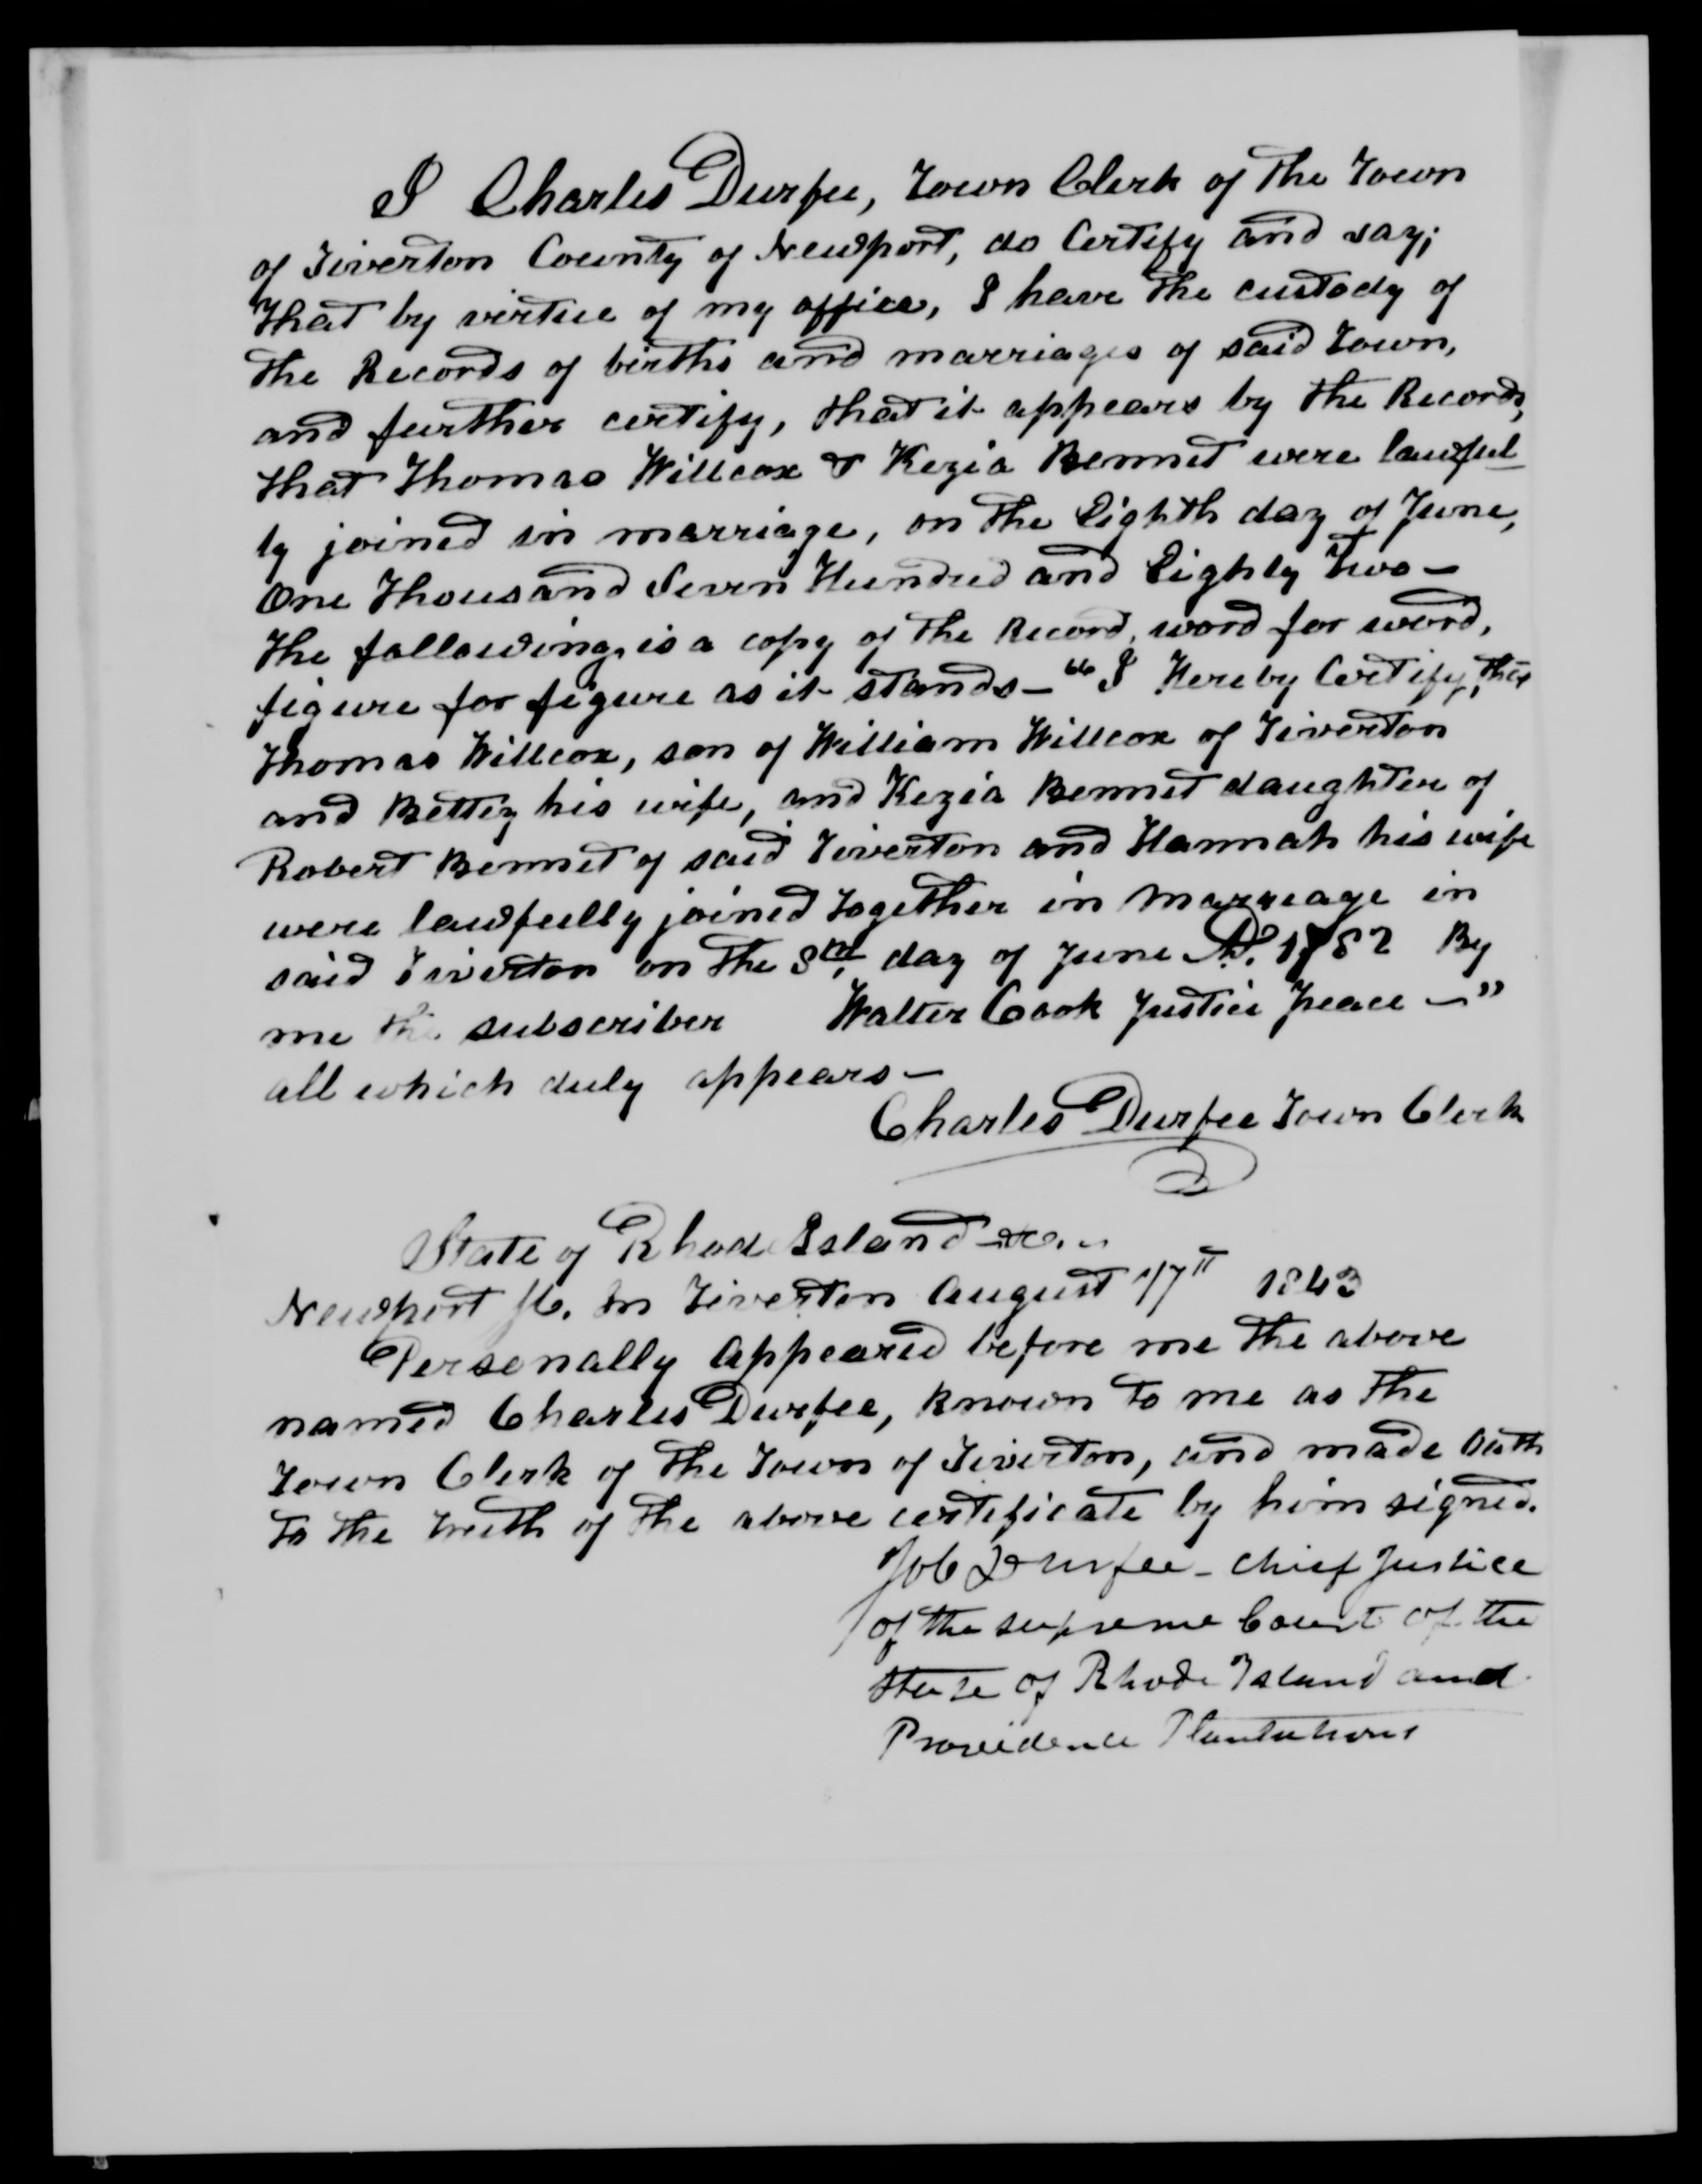I Charles Durfee, Town Clerk of the Town of
Tiverton County of Newport, do certify and say;
that by virtue of my office, I have the custody of
the Records of births and marriages of said town,
and further certify, that it appears by the Records
that Thomas Willcox & Kezia Bennet were lawfully
joined in marriage, on the Eighth day of June,
One Thousand Seven Hundred and Eighty Two -
The following is a copy of the Record, word for word,
figure for figure as it stands - "I hereby Certify, this
Thomas Willcox, son of William Willicox of Tiverton
and Betty his wife, and Kezia Bennet daughter of
Robert Bennet of said Tiverton and Hannah his wife
were lawfully joined together in marriage in
said Tiverton on the 8th day of June AD. 1782 By
me this subscriber Walter Cook Justice Peace"

all which duly appears -
Charles Durfee Town Clerk
State of Rhode Island [illegible]
Newport [illegible] In Tiverton August 17th 1843
Personally appeared before me the above
named Charles Durfee, known to me as the
Town Clerk of the Town of Tiverton, and made oath
to the with of the above certificate by him signed.
Job Durfee -Chief Justice
of the Supreme Court of the
State of Rhode Island and
Providence Plantations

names: Thomas Willcox, Charles Durfee, Bettey, Hannah, Job Durfee, Robert Bennet, Kezia Bennet, Walter Cook, William Willcox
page: 22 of 39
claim: widow's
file: W. 26046, Thomas Willcox, R.I.